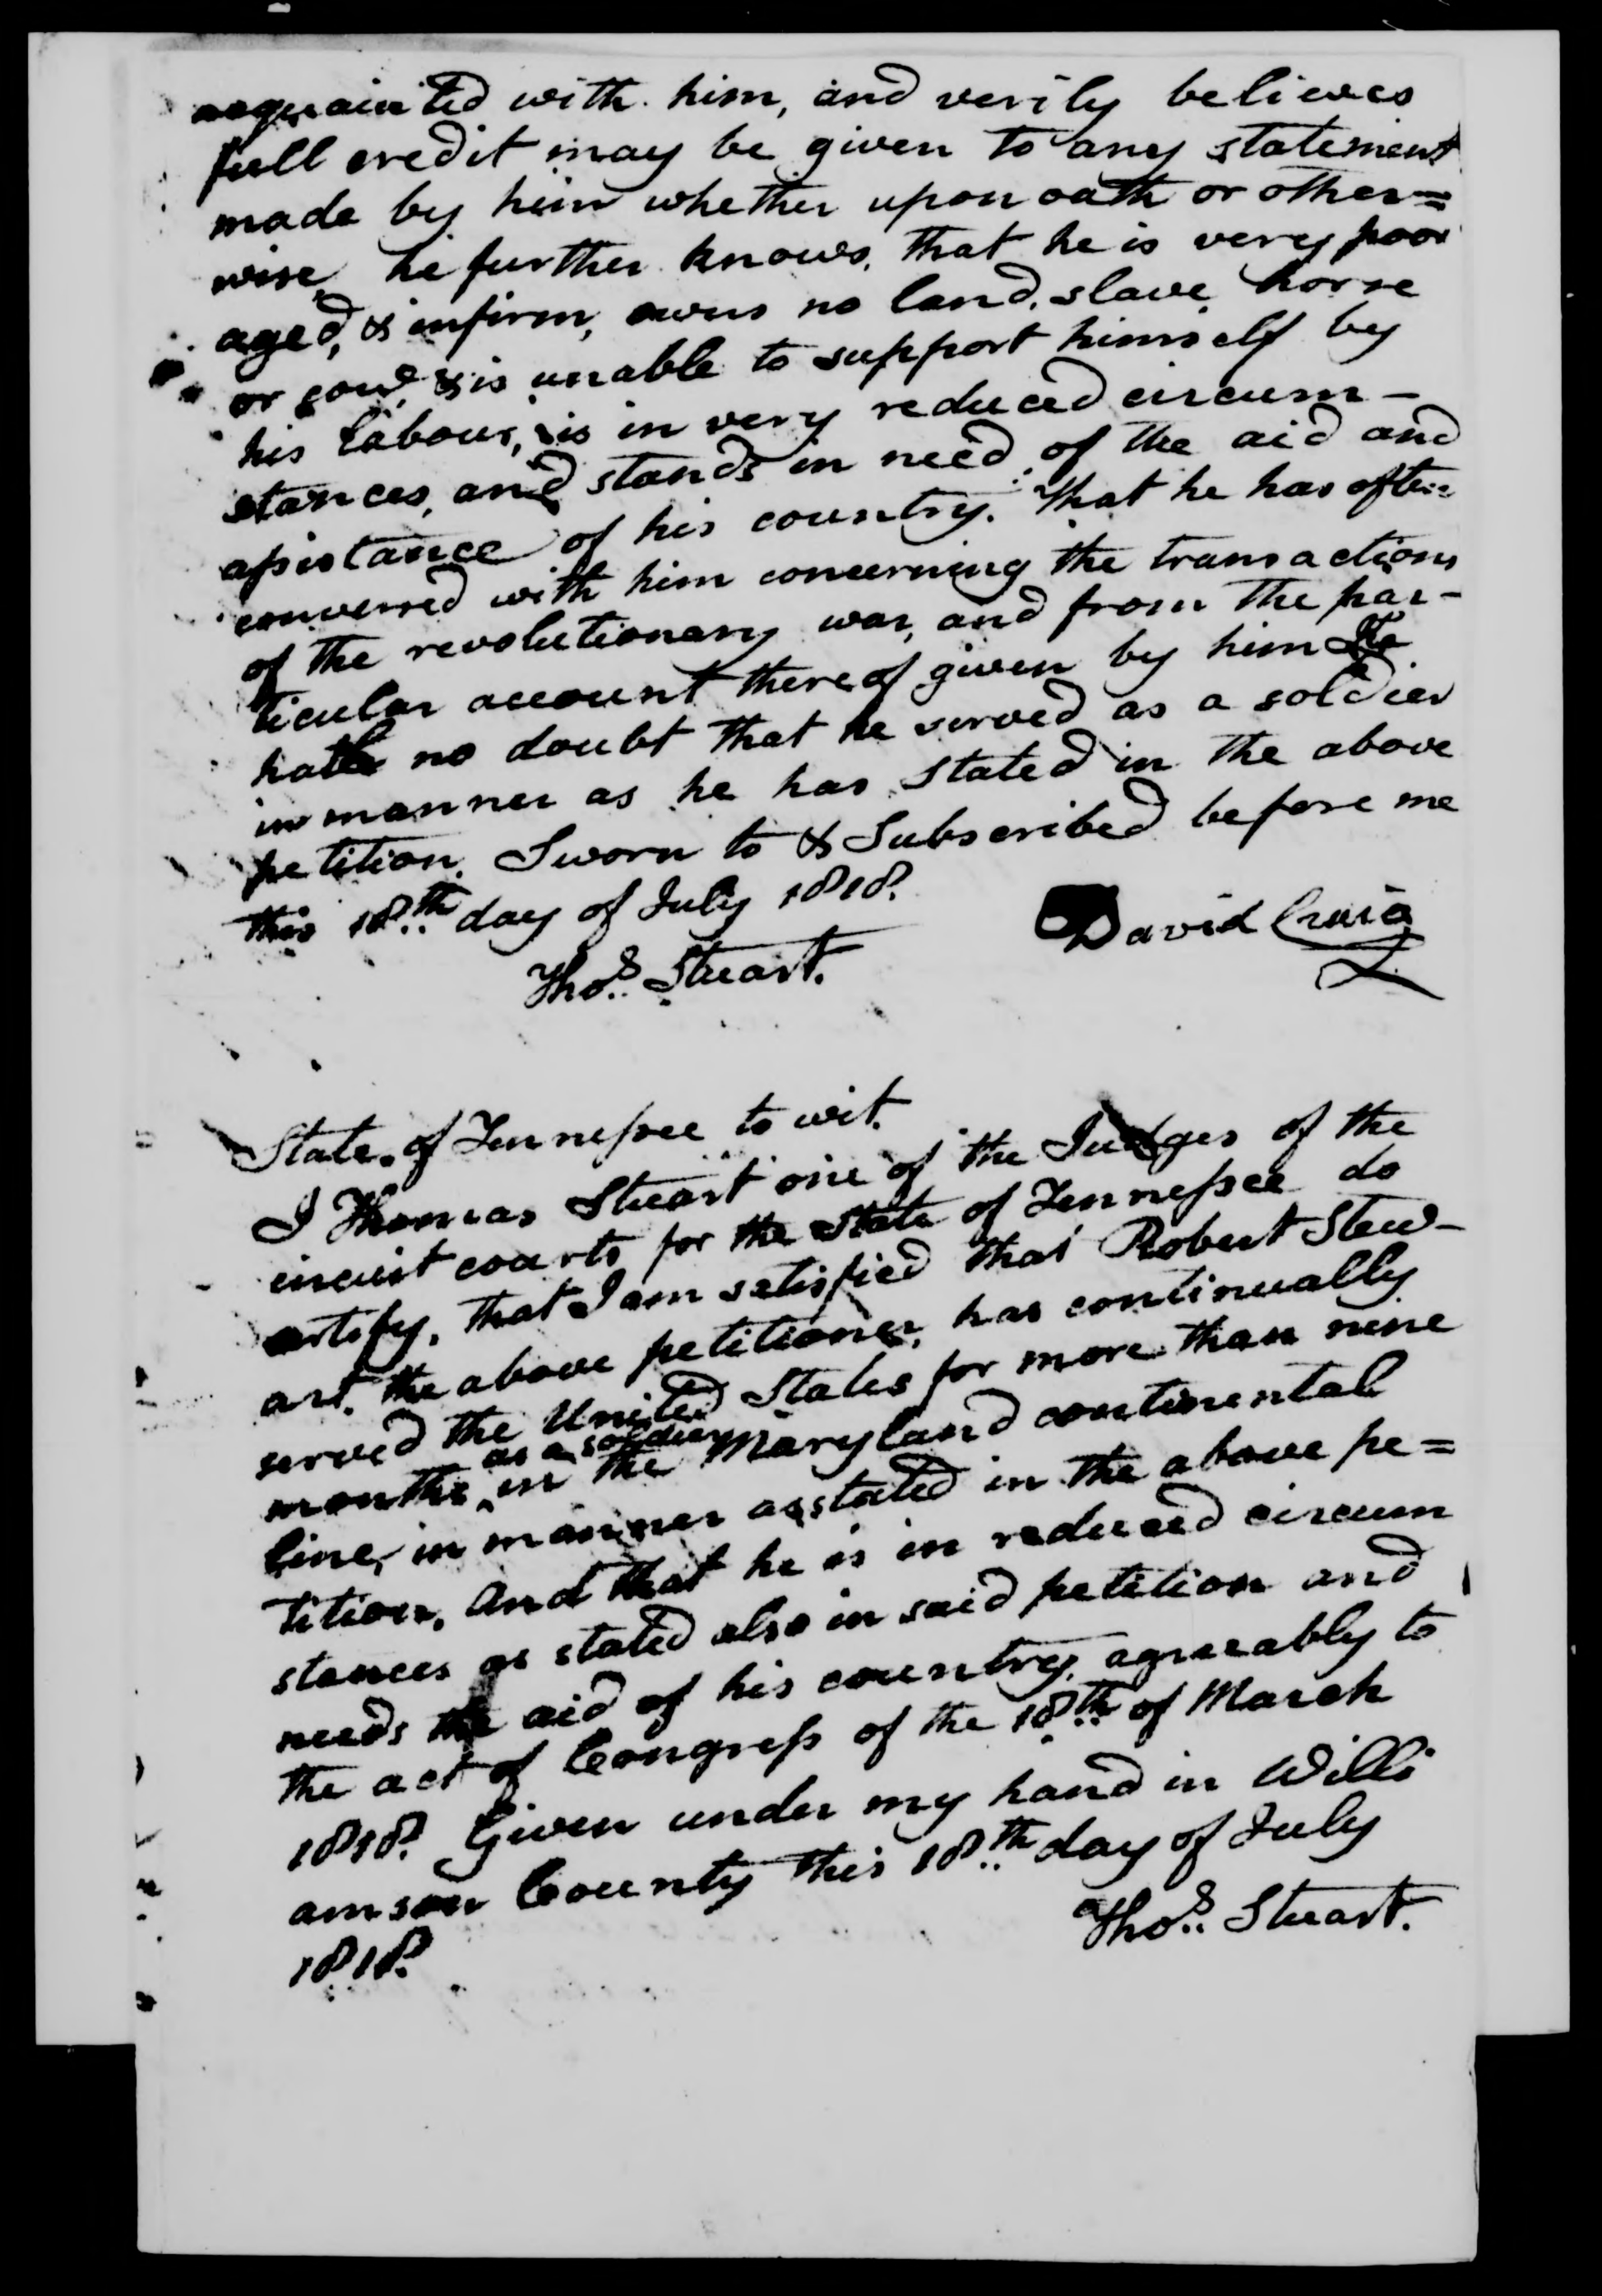acquainted with him and verily believes full credit may be given to any statement made by him whether upon oath or otherwise. He further knows that he is very poor, aged & infirm, owns no land, slave, horse or cow, is unable to support himself by his labour (labor), is in very reduced circumstances and stands in need of the aid and assistance of his country. That he has often conversed with him concerning the transactions of the revolutionary war and from the particular account thereof given by him he hath no doubt that he served as a soldier in manner as he stated in the above petition.

Sworn to and subscribed before me this 18th day of July 1818.

David Craig
Thos Stuart

State of Tennessee to wit

I Thomas Stuart one of the Judges of the Circuit court for the state of Tennessee do certify that I am satisfied that Robert Stewart the above petitioner has continually served the United States for more than nine months as a solider in the Maryland Continental line in manner as stated in the above petition and that he is in reduced circumstances as stated also in said petition and needs the aid of his county agreeably to the act of congress of the 18th of March 1818.

Given under my hand in Williamson County this 18th day of July, 1818

Thos. Stuart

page: 8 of 15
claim: survivor's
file: S 39089, for Robert Stewart, Maryland